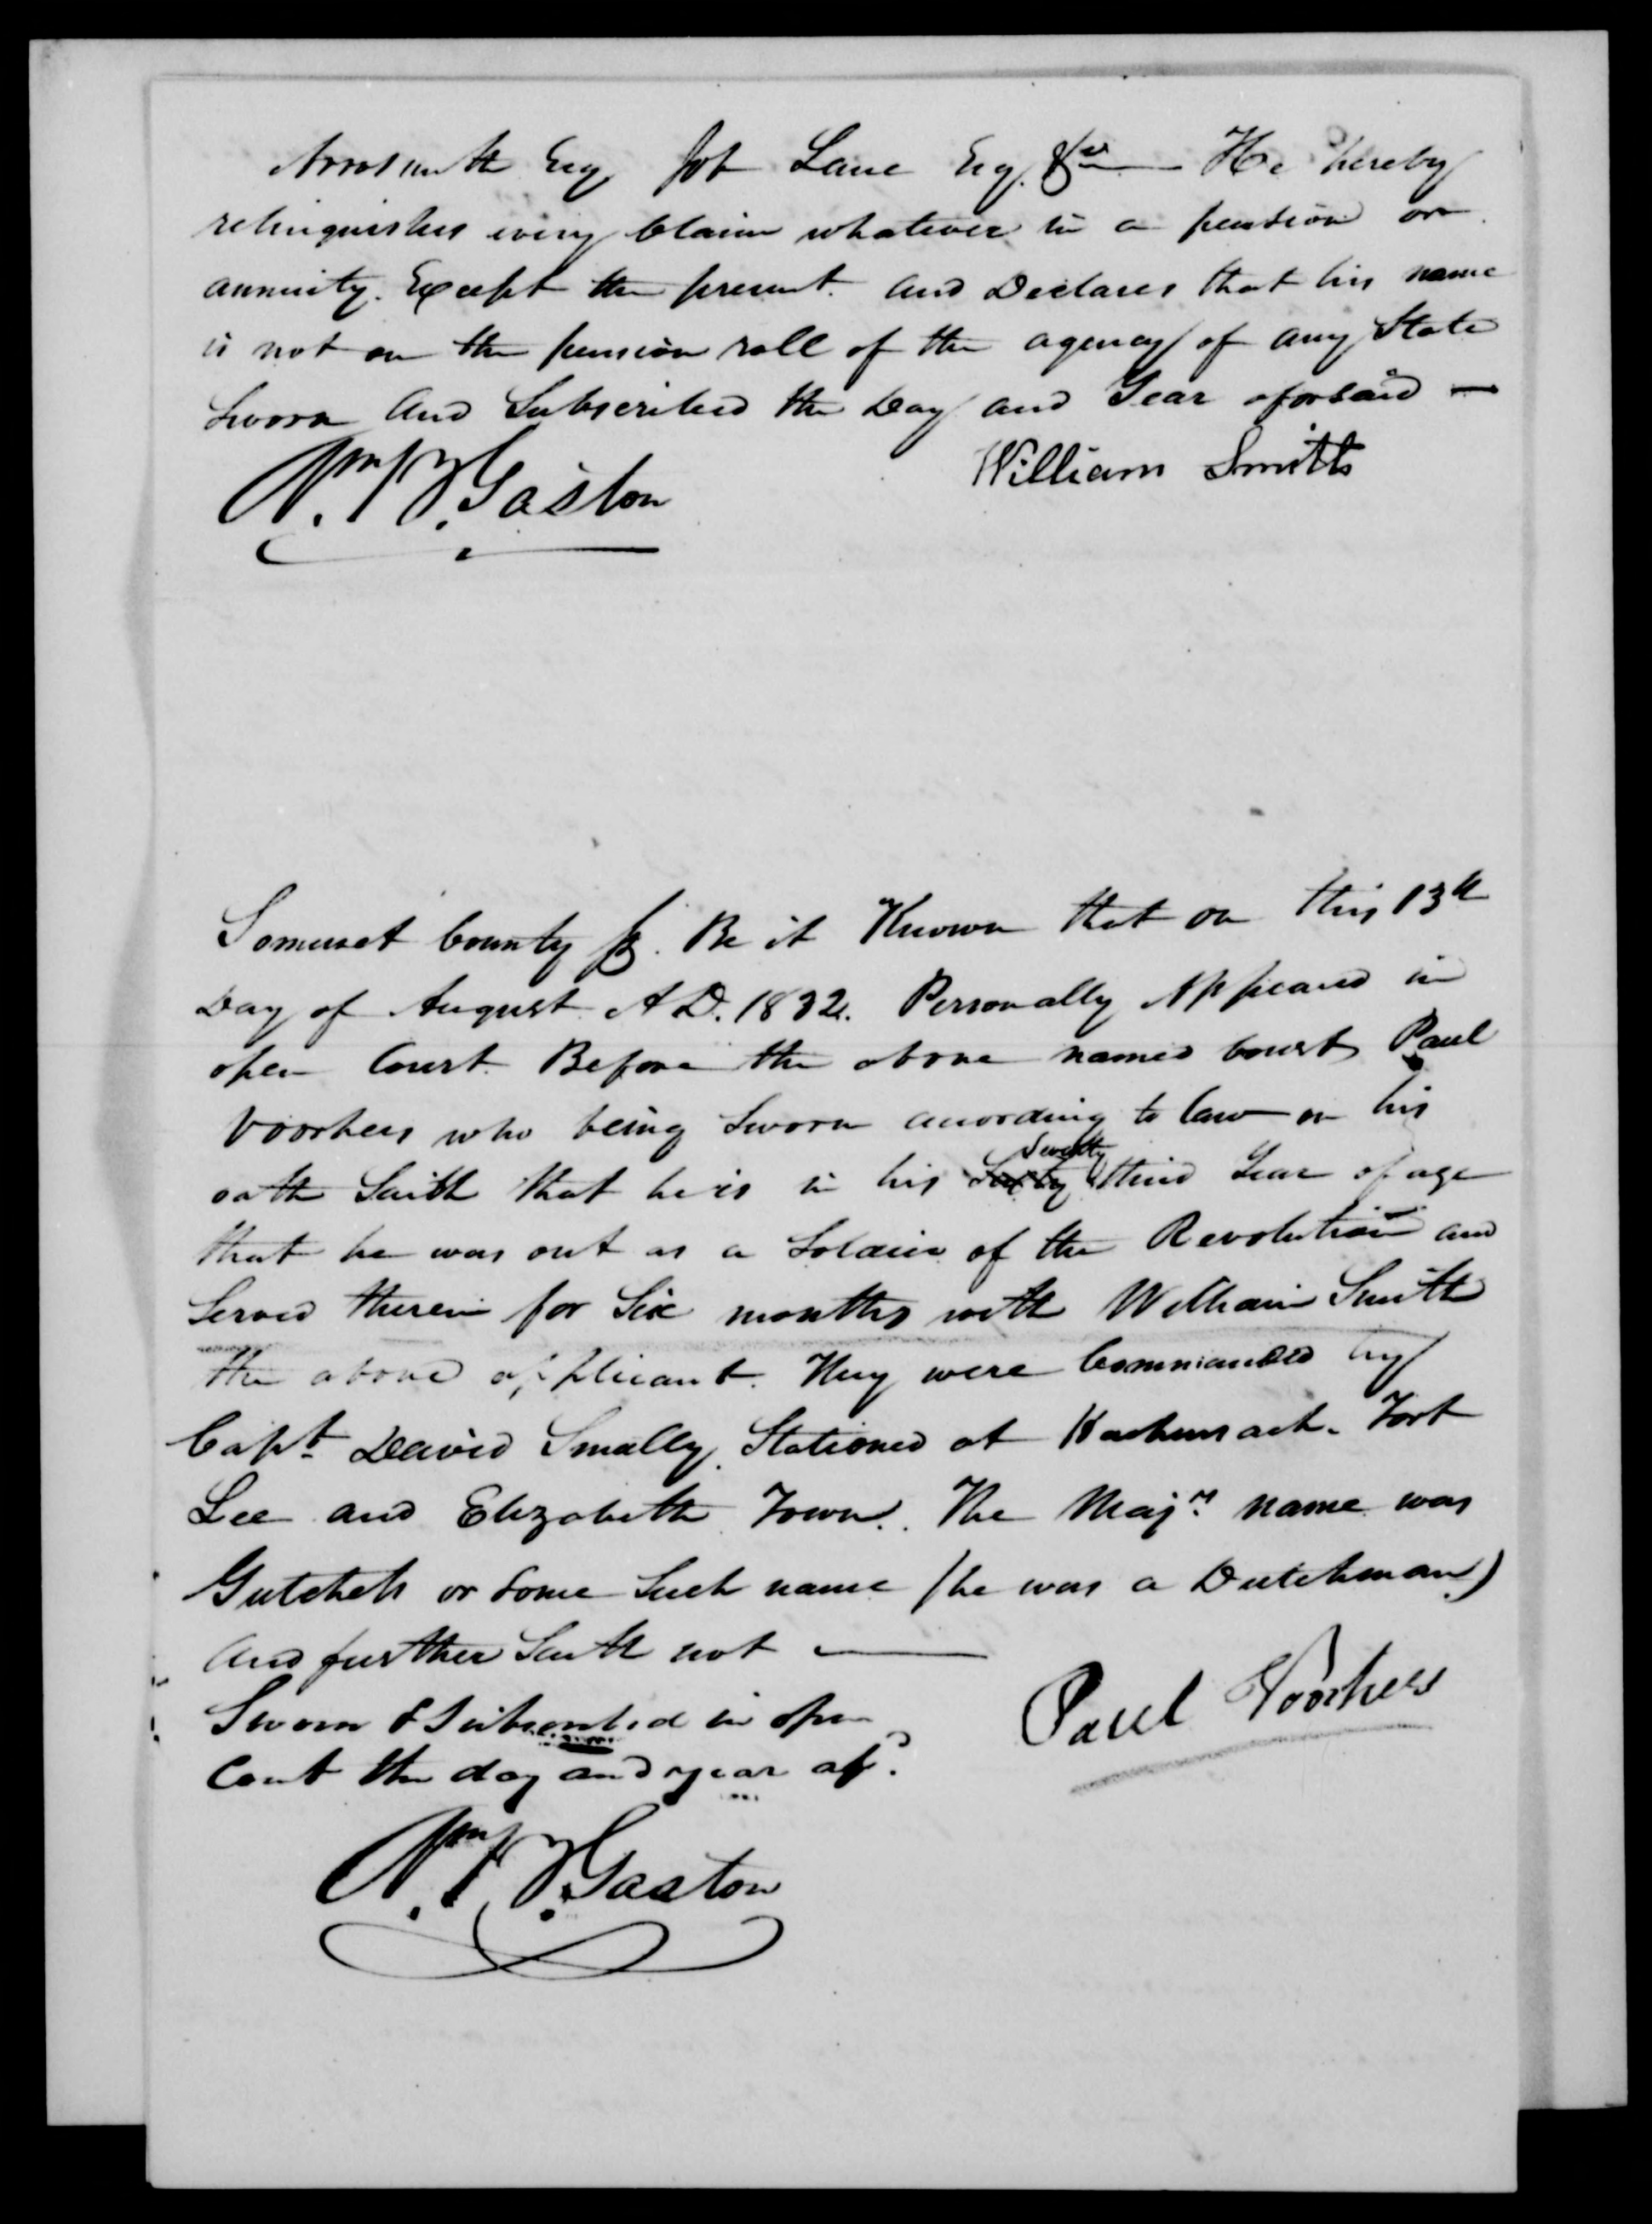Arnsworthn Esq John Lane Esq. &c---  He hereby relinquishes every claim whatever to a pension or annuity Except the present and Declares that his name is not on the pension roll of the agency of any State

Sworn and Subscribed the day and year aforesaid
Wm B. Gaston
William Smith

Somerset County SS. Be it Known that on this 13th Day of August A.D. 1832. Personally Appeared in open Court before the above named Court Paul Voorhees who being sworn according to law on his oath saith that he is in his ['fifty' crossed out] seventy third year of age
that he was out as a soldier of the Revolution and served therein for six months with William Smith the above applicant. They were commanded by Capt David Smally Stationed at Hackensack, Fort Lee and Elizabeth Town. The Maj.s name was Gutchess or some such name (he was a Dutchman) and further saith not-

Paul Voorhees

Sworn & Subscribed in open
Court the day and year afsd
A. F. Gaston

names: William Smith; Wm B Gaston; William Smith; [BLANK] Arnsworth; Wm B Gaston; Paul Voorhees; [BLANK] Gutchess; Paul Voorhees; David Smally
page: 9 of 27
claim: survivor's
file: S. 915, for William Smith, New Jersey